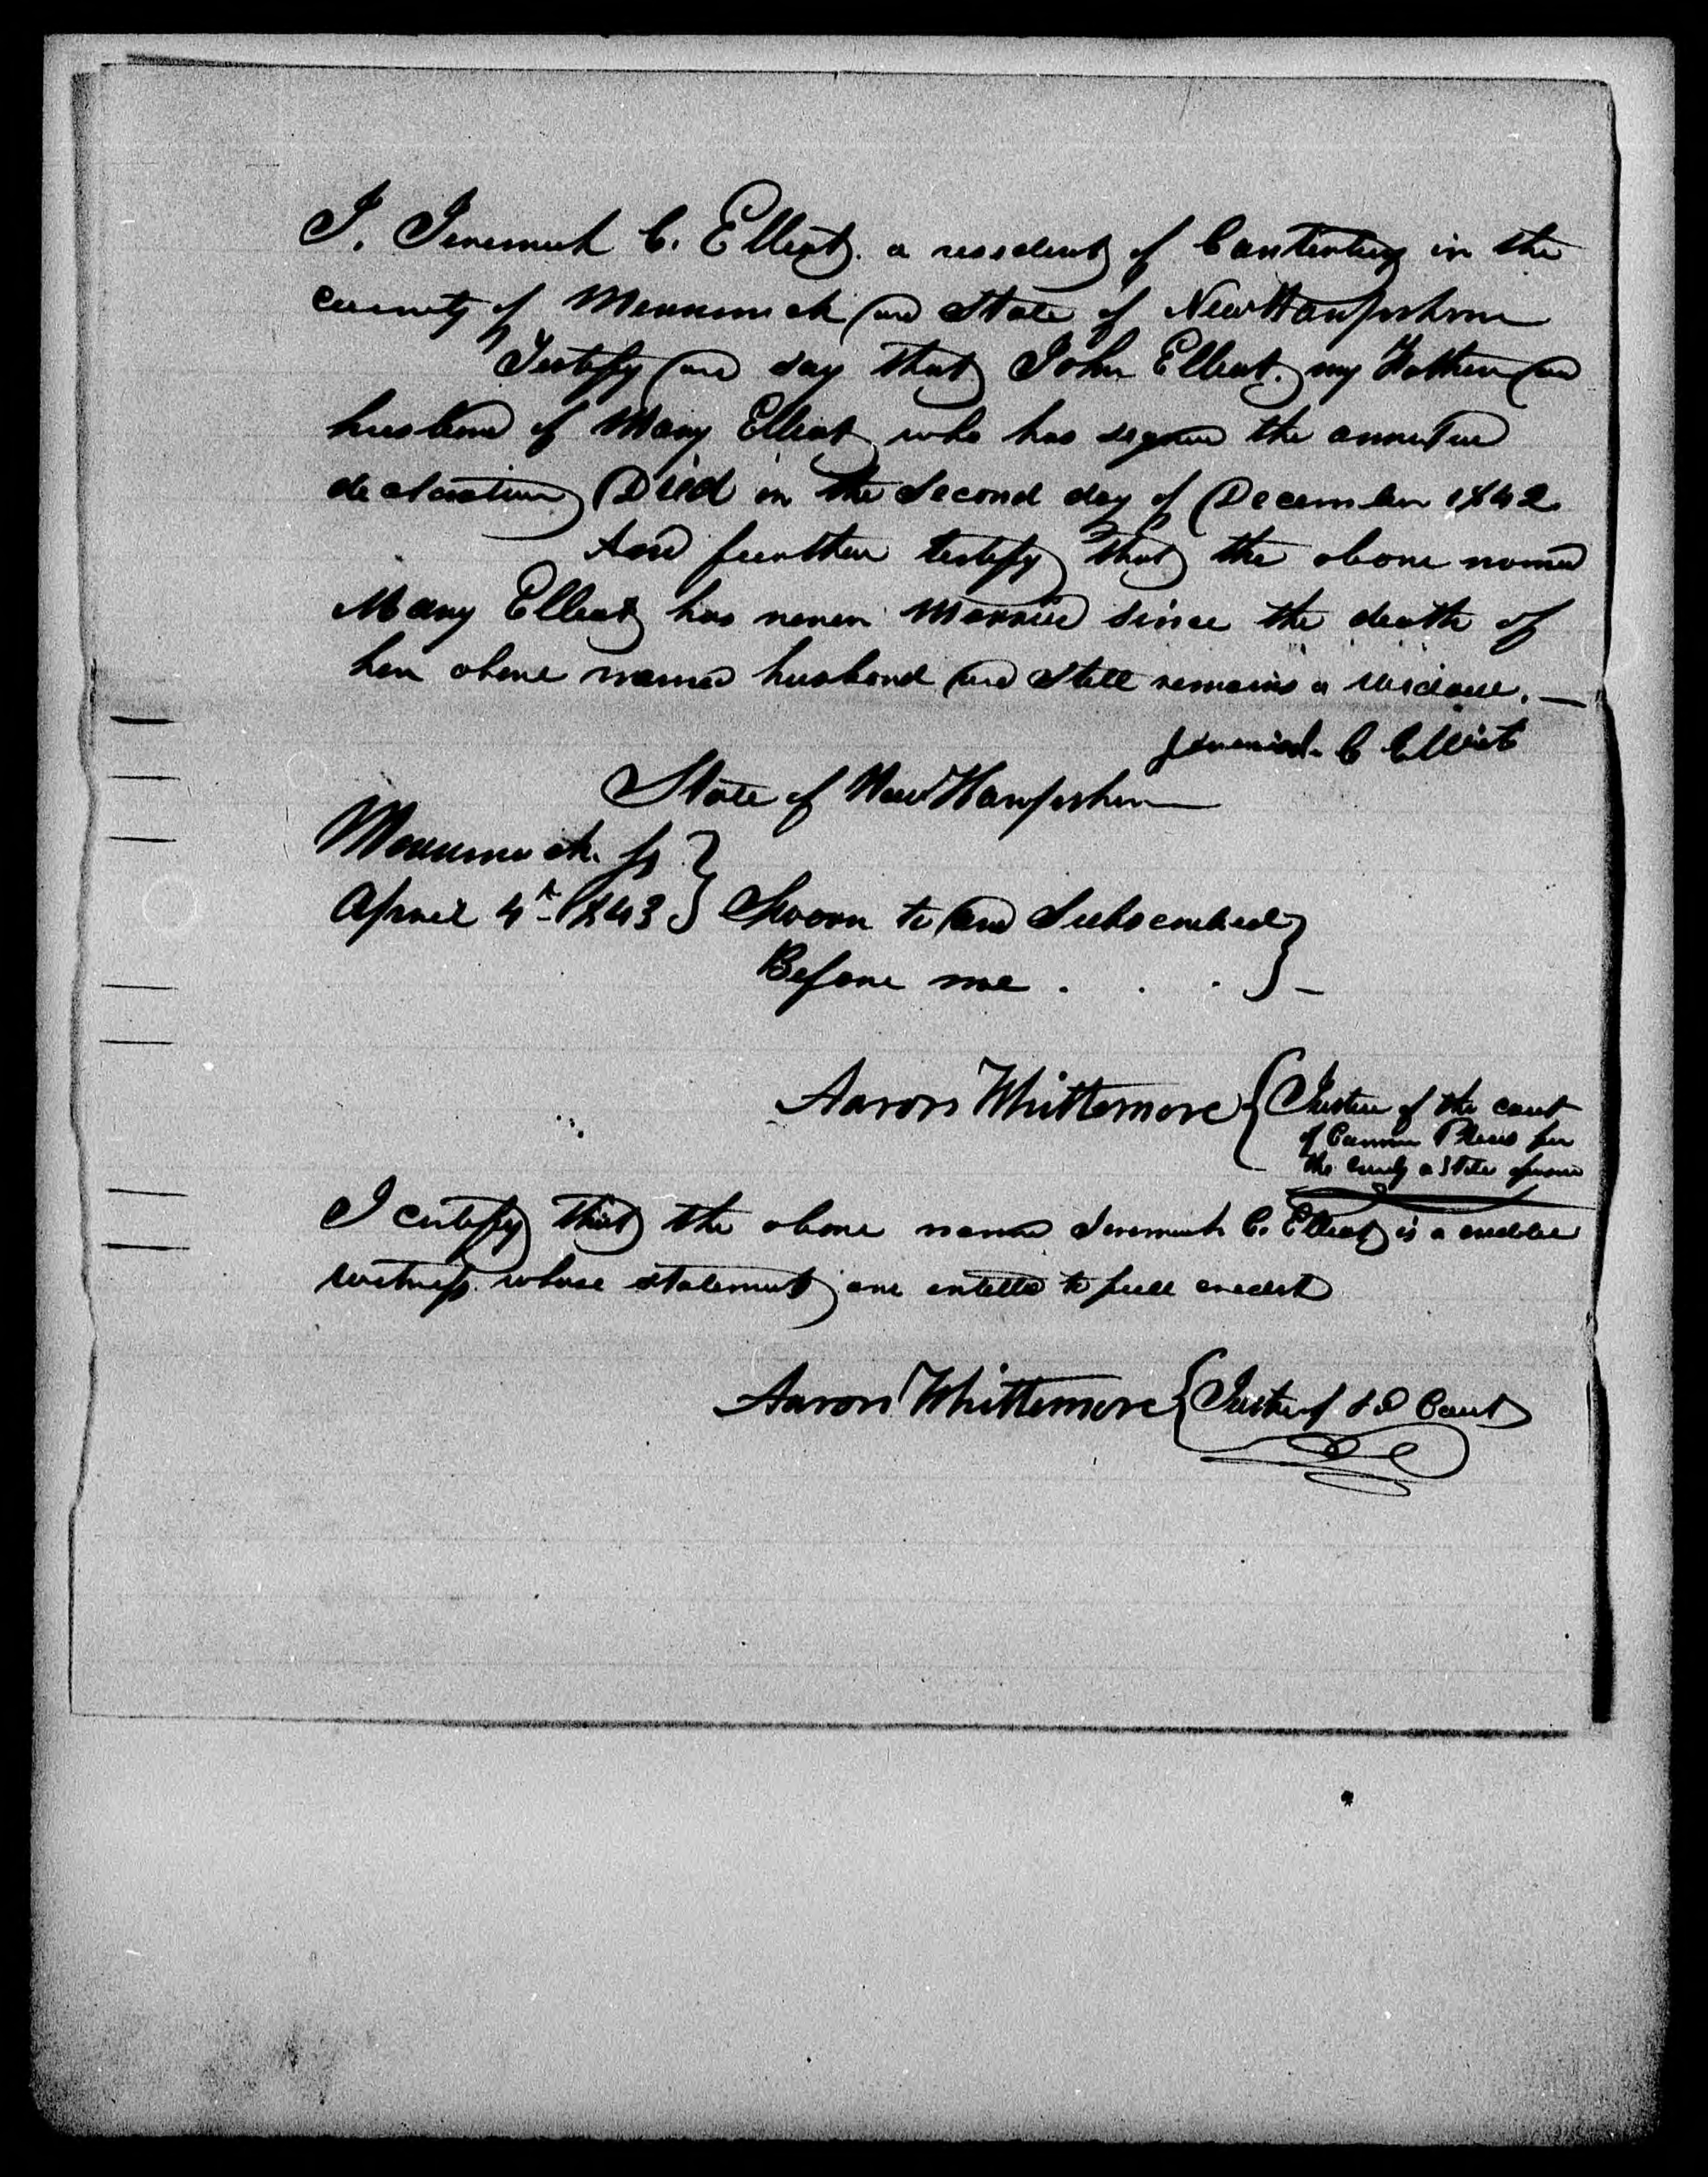I Jeremiah C. Elliot a resident of Canterbury in the County of Merrimack and State of New Hampshire
Testify and say that John Elliot my Father
husband of Mary Elliot who has signed the annul
declaration Died on the second day of December 1842
And further testify that the above named
Mary Elliot has never married since the death of
the above named husband and still remains a widow
Jeremiah C Elliot
State of New Hampshire
Merrimack SS
April 4th 1843 shown to and Subscribed 
Before me
Aaron Whittemore & Justice of the court of common pleas for. [illegible] a state aforesaid
.
I certify
that the above named Jeremiah C Elliot is under
witness whose statement one entitled to full credit
Aaron Whittemore Justice of Peace
Ⓧ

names: John Elliot, Jeremiah C Elliot, Aaron Whittemore, Mary Elliot, Aaron Whittemore, Jeremiah C Elliot, Jeremiah C Elliot, Mary Elliot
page: 41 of 57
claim: widow's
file: W. 16,114, John Elliot, Continental (Mass) N.H.